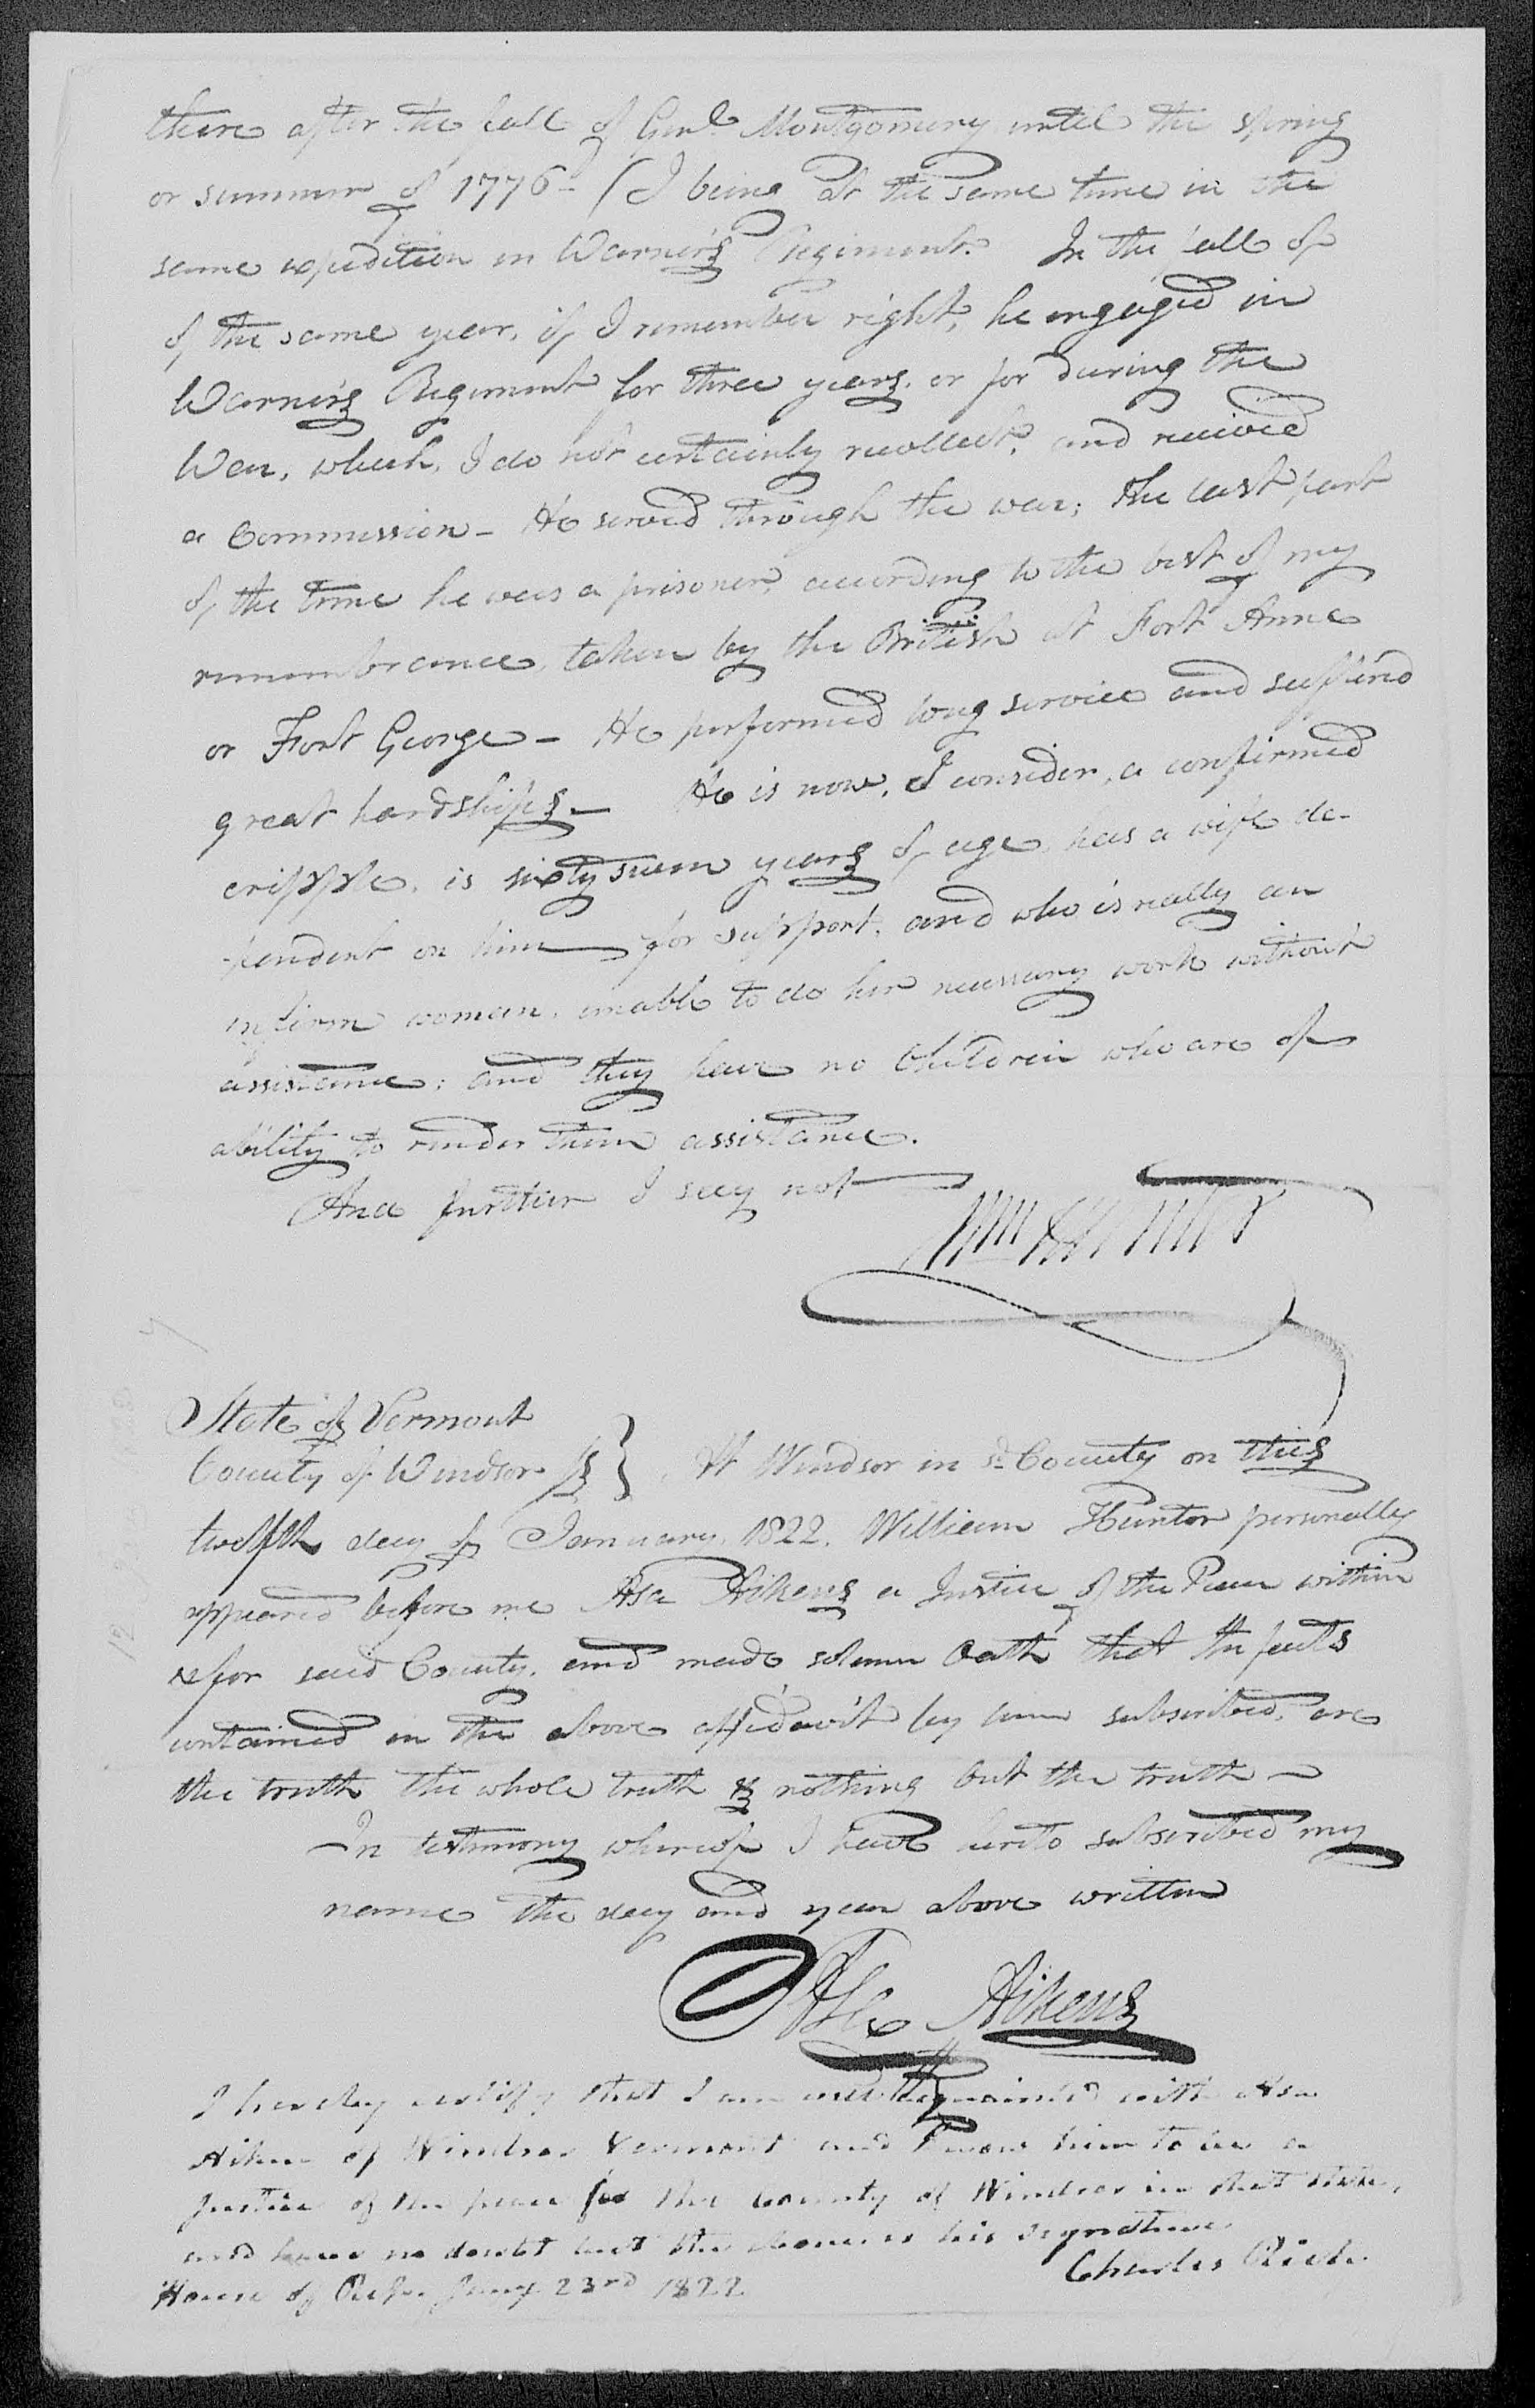then after the fall of Genl. Montgomery until the spring or summer of 1776 (I being at the same time in the same expedition in Warner's Regiment. In the fall of the same year if I remember right, he engaged in Warner's Regiment for three years, or for during the War, which I do not certainly recollect, and received a commission. He served through the war, the last part of the time he was a prisoner according to the best of my remembrance taken by the British at Fort Anne or Fort George. He performed long service and suffered great hardships. He is now I consider a confirmed cripple is sixty seven year of age, has a wife dependent on him for support, and who is really an infirm woman, unable to do her necessary work without assistance, and they have no children who are of ability to render them assistance.
And further I say not.
Wm Hunter

State of Vermont
County of Windsor ss} At Windsor on this twelfth day of January 1822 William Hunter personally appeared before me Asa Aikens a Justice of the Peace within and for said County, and made solemn oath that the facts contained on the above affidavit by him subscribed are the truth the whole truth and nothing but the truth. 
In testimony whereof I have hereto subscribed my name the day and year above written. 
Asa Aikens

I hereby certify that I am well acquainted with Asa Aikens of Windsor Vermont and I know him to be a Justice of the Peace for the county of Windsor in that role and have no doubt that the above is his signature.
Charles Rich
House of Reps Jany 23rd 1822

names: William Hunter, Charles Rich, Asa Aikens, Alex Aikens, Asa Aiken, Wm Hunter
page: 42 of 83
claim: widow's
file: W. 10,384, Oliver Barrett, Continental (Vt.) N.Y.